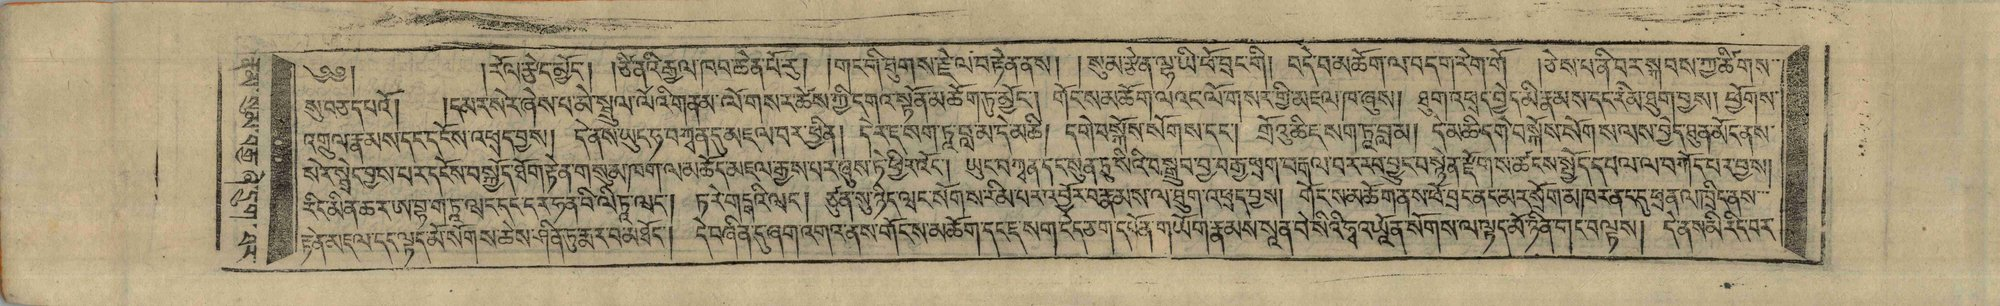༄༅། །རོལ་རྩེད་མྱོང་། །ཙི་ནའི་རྒྱལ་ཁབ་ཆེན་པོ་རུ། །གང་གི་ཐུགས་རྗེ་ལ་བརྟེན་ནས། །སུམ་རྩེན་ལྷ་ཡི་ཕོ་བྲང་གི །བདེ་བ་མཆོག་ལ་བདག་རེག་གོ །ཅེས་པ་ནི་བར་སྐབས་ཀྱ་ཚིགས་
སུ་བཅད་པའོ། །དམར་སེར་ཞེས་པ་མེ་སྦྲུལ་ལོའི་གནམ་ལོ་གསར་ཚེས་ཀྱི་དགའ་སྟོན་མཆོག་ཏུ་མྱོང་། གོང་ས་མཆོག་ལའང་ལོ་གསར་གྱི་མཇལ་ཁ་ཞུས། ཐུག་འཕྲད་བྱེད་མི་རྣམས་དང་རིམ་ཐུག་བྱས། ཕྱོགས་
འགྲུལ་རྣམས་དང་དངོས་འཕྲད་བྱས། དེ་ནས་ཡུང་ཧ་བཀྭན་དུ་མཇལ་བར་ཕྱིན། དེར་ཇ་སག་ཏཱ་བླ་མ་དེ་མཆི། དགེ་བསྐོས་སོགས་དང་། གྲོའུ་ཆི་ཇ་སག་ཏཱ་བླ་མ། དེ་མཆི་དགེ་བསྐོས་སོགས་ལས་བྱེད་ཐུན་མོང་ནས་
སེར་སྦྲེང་བྱས་པར་དངོས་བསྐྱོད་ཐོག་རྟེན་གསུམ་ཁག་ལ་མཆོད་མཇལ་རྒྱས་པར་ཞུས་ཏེ་ཕྱིར་འོང་། ཡུང་བཀྭན་དང་སུན་ཏྲུ་སིའི་བསྒྲུབ་བྱ་བརྒྱ་ཕྲག་བརྒལ་བར་རབ་བྱུང་བསྙེན་རྫོགས་ཚངས་སྤྱོད་དཔལ་ལ་བཀོད་པར་བྱས།
རིང་མིན་ཆར་ཨ་བྷ་ག་ཏཱ་ཝང་དང་དར་ཧ་ན་བི་ལི་ཏཱ་ཝང་། ཏ་རེ་གངྒའི་ཝང་། ཙུན་སུ་ཉིད་ཝང་སོགས་རིམ་པར་འབྱོར་བ་རྣམས་ལ་ཐུག་འཕྲད་བྱས། གོང་ས་མཆོག་ནས་ཕོ་བྲང་ནང་མར་སྲོག་མཁར་ནང་དུ་ཕྲན་ལ་ཁྲིད་ནས་
རྟེན་མཇལ་དང་ལྟད་མོ་སོགས་ཆེས་ཤིན་ཏུ་རྨར་བ་མཐོང་། དེ་བཞིན་དུ་ཞག་འགའ་ནས་གོང་ས་མཆོག་དང་ཇ་སག་ངེད་ཅག་དཔོན་གཡོག་རྣམས་སཱན་བེ་སིའི་ཧྭཱ་ཡOན་སོགས་ལ་ལྟད་མོ་ཉིན་གང་བལྟས། དེ་ནས་མི་རིང་བར་